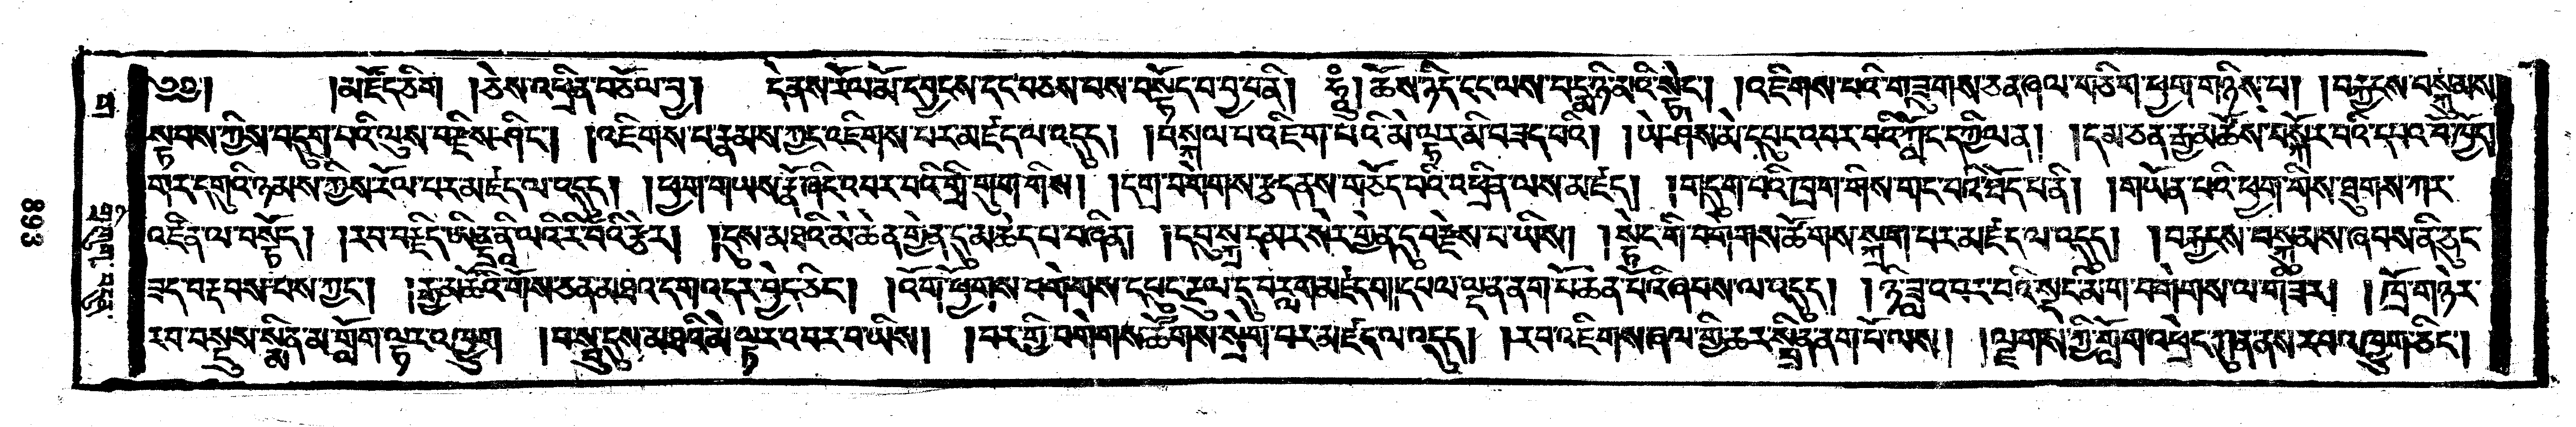༄༅། །མཛོད་ཅིག །ཅེས་འཕྲིན་བཅོལ་བྱ། དེ་ནས་རོལ་མོ་དབྱངས་དང་བཅས་པས་བསྟོད་བ་བྱ་བ་ནི། ཧཱུཾ། ཆོས་ཉིད་ངང་ལས་པདམ་ཉི་མའི་སྟེང་། །འཇིགས་པའི་གཟུགས་ཅན་ཞལ་གཅིག་ཕྱག་གཉིས་པ། །བརྐྱངས་བསྐུམས་
སྟབས་ཀྱིས་བདུག་པའི་ལུས་བརྫིས་ཤིང་། །འཇིགས་པ་རྣམས་ཀྱང་འཇིགས་པར་མཛད་ལ་འདུད། །བསྐལ་པ་འཇིག་པའི་མེ་ལྟར་མི་བཟད་པའི། །ཡེ་ཤེས་མེ་དཔུང་འབར་བའི་ཀློང་དཀྱིལ་ན། །དམ་ཅན་རྒྱ་མཚོས་བསྐོར་བའི་དཔའ་བོ་ཁྱོད།
གར་དགུའི་ཉམས་ཀྱིས་རོལ་པར་མཛད་ལ་འདུད། །ཕྱག་གཡས་རྣོ་ཞིང་འབར་བའི་གྲི་གུག་གིས། །དགྲ་བགེགས་རྩད་ནས་གཅོད་པའི་འཕྲིན་ལས་མཛད། །གདུག་པའི་ཁྲག་གིས་གང་བའི་ཐོད་པ་ནི། །གཡོན་པའི་ཕྱག་གིས་ཐུགས་ཀར་
འཛིན་ལ་བསྟོད། །རབ་བརྗིད་ཨིནྡྲ་ནཱི་ལའི་རི་བོའི་རྩེར། །དུས་མཐའི་མེ་ཆེན་གྱེན་དུ་མཆེད་པ་བཞིན། །དབུ་སྐྲ་དམར་སེར་གྱེན་དུ་བརྗེས་པ་ཡིས། །སྟེང་གི་བགེགས་ཚོགས་སྐྲག་པར་མཛད་ལ་འདུད། །བརྐྱངས་བསྐུམས་ཞབས་ནི་ཅུང་
ཟད་བརྡབས་པས་ཀྱང་། །རྒྱ་མཚོའི་གོས་ཅན་མཐའ་དག་འདར་བྱེད་ཅིང་། །འོག་ཕྱོགས་བགེགས་དཔུང་རྡུལ་དུ་བརླག་མཛད་པ། །དཔལ་ལྡན་ནག་པོ་ཆེན་པོའི་ཞབས་ལ་འདུད། །ཉི་ཟླ་འབར་བའི་སྡང་མིག་བགེགས་ལ་གཟིར། །ཁྲོ་གཉེར་
རབ་བསྡུས་སྨིན་མ་གློག་ལྟར་འཁྱུག །བ་སྤུ་དུས་མཐའི་མེ་ལྟར་འབར་བ་ཡིས། །བར་གྱི་བགེགས་ཚོགས་སྲེག་པར་མཛད་ལ་འདུད། །རབ་འཇིགས་ཞལ་གྱི་ཆར་སྤྲིན་ནག་པོ་ལས། །ལྗགས་ཀྱི་གློག་འཕྲེང་ཀུན་ནས་རབ་འཁྱུག་ཅིང་།